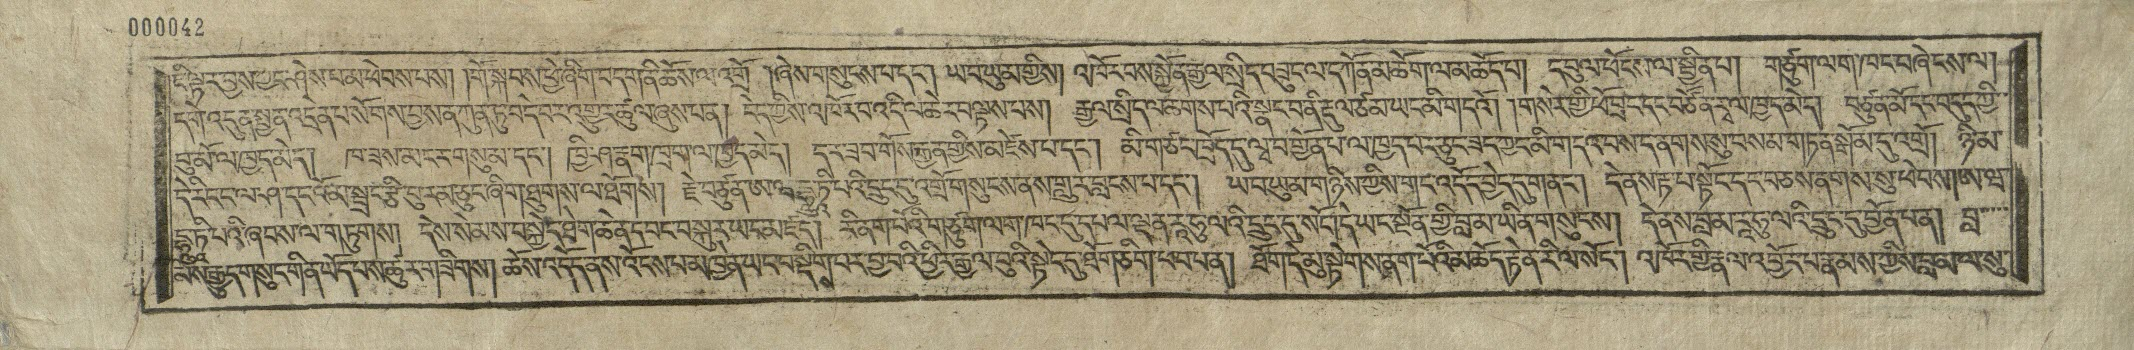ཇི་ལྟར་བྱས་ཀྱང་ཤེས་པ་མ་ཕེབས་པས། །གོ་སྐབས་ཕྱེ་ཞིག་བདག་ནི་ཆོས་ལ་འགྲོ་།ཞེས་གསུངས་པ་དང་། ཡབ་ཡུམ་གྱིས། འཁོར་བས་སྐྱོན་རྒྱལ་སྲིད་བཟུང་ལ་དཀོན་མཆོག་ལ་མཆོད་པ། དབུལ་ཕོངས་ལ་སྦྱིན་པ། གཙུག་ལག་ཁང་བཞེངས་ལ།
དགེ་འདུན་སྤྱན་འདྲེན་པ་སོགས་བྱས་ན་ཀུན་ཏུ་བདེ་བར་འགྱུར་ཚུལ་ཞུས་པ་ན། ངེད་ཀྱིས་འཁོར་བ་འདི་ལ་ཆེར་བལྟས་པས། རྒྱལ་སྲིད་ལ་ཆགས་པའི་སྣང་བ་ནི་རྡུལ་ཙམ་ཡང་མི་གངO། །གསེར་གྱི་ཕོ་བྲང་དང་བཙོན་རྭ་ལ་ཁྱད་མེད། བཙུན་མོ་དང་བདུད་ཀྱི་
བུ་མེ་ལ་ཁྱད་མེད། ཁ་ཟས་མངར་གསུམ་དང་། ཁྱི་ཤ་རྣག་ཁྲག་ལ་ཁྱད་མེད། དར་ཟབ་གོས་རྒྱན་གྱིས་མཛེས་པ་དང་། མི་གཙང་ཁྲོད་དུ་ལྭ་བ་གྱོན་པ་ལ་ཁྱད་པར་ཅུང་ཟད་ཀྱང་མི་གདའ་བས་ད་ནགས་སུ་བསམ་གཏན་སྒོམ་དུ་འགྲོ། ཉི་མ་
དེ་རིང་ང་ལ་ཤ་དང་འོ་མ་སྦྲང་རྩི་བུ་རམ་ཅུང་ཞིག་ཐུགས་ལ་ཐོགས། རྗེ་བཙུན་ཨ་ཝ་དྷཱུ་ཏཱི་པའི་དྲུང་དུ་འགྲོ་གསུངས་ནས་གླུར་བླངས་པ་དང་། ཡབ་ཡུམ་གཉིས་ཀྱིས་གང་འདོད་བྱེད་དུ་གནང་། དེ་ནས་རྟ་པ་སྟོང་དང་བཅས་ནགས་སུ་ཕེབས། ཨ་ཝ་
དྷཱུ་ཏཱི་པའི་ཞབས་ལ་གཏུགས། དེས་སེམས་བསྐྱེད་ཐེག་ཆེན་དབང་བསྐུར་ཡང་མཛད། རི་ནག་པོའི་གཙུག་ལག་ཁང་དུ་དཔལ་ལྡན་རཱ་ཧུ་ལའི་དྲུང་དུ་སོང་། དེ་ཡང་སྔོན་གྱི་བླ་མ་ཡིན་གསུངས། དེ་ནས་བླ་མ་རཱ་ཧུ་ལའི་དྲུང་དུ་བྱོན་པ་ན། བླ་
མས་རྒྱུད་གསུང་གིན་ཡོད་པས་ཚུར་གཟིགས། ཆོས་འདོད་ནས་འོངས་པ་མཁྱེན་ཡང་བསྡིགས་པར་བྱ་བའི་ཕྱིར་རྒྱལ་བུའི་སྟེང་དུ་ཐོག་ཅིག་ཕབ་པ་ན། ཐོག་དེ་མུ་སྟེགས་ནག་པོའི་མཆོད་རྟེན་རི་ལ་སོང་། འཁོར་གྱི་རྣལ་འབྱོར་བ་རྣམས་ཀྱིས་བླ་མ་ལ་སུ་